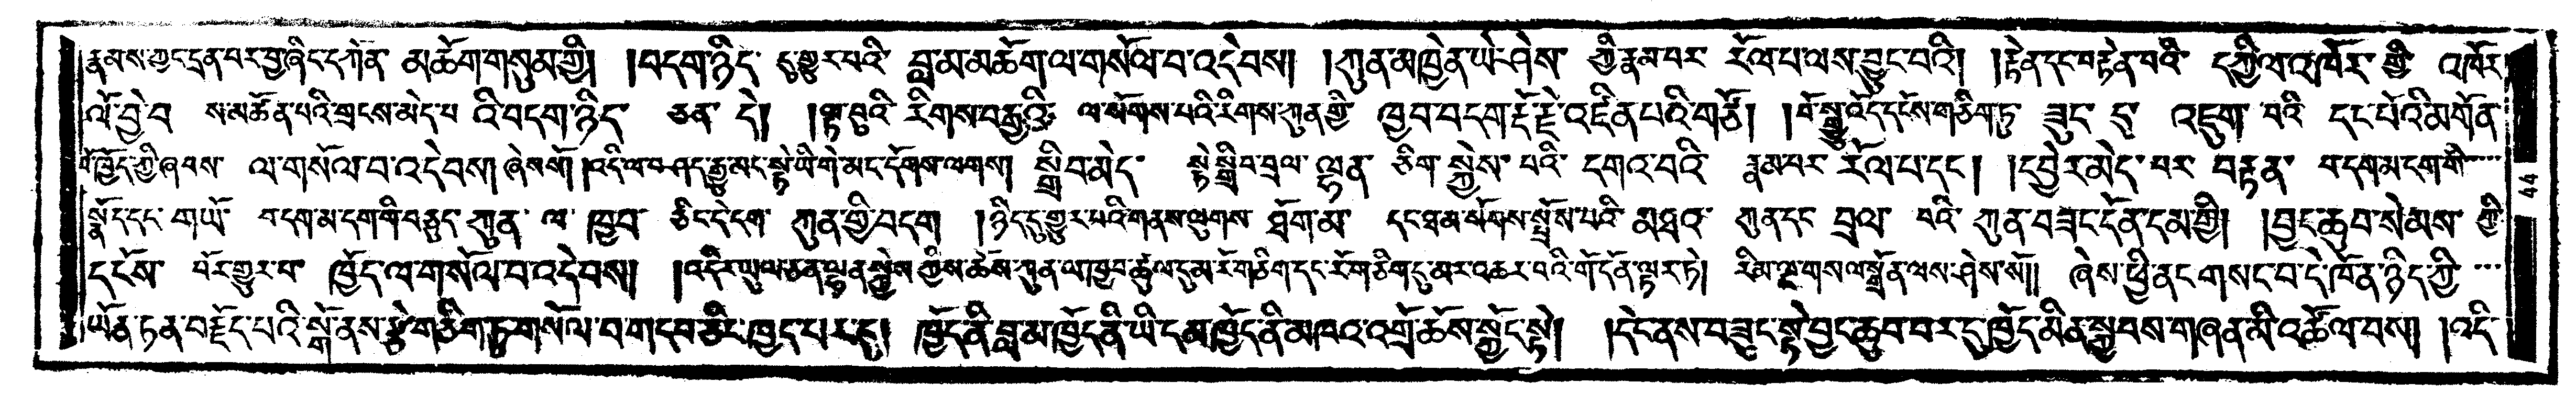རྣམས་ཀྱང་དྲན་པར་བྱ་ཞིང་དཀོན་མཆོག་གསུམ་གྱི། །བདག་ཉིད་དུ་གྱུར་བའི་བླ་མ་མཆོག་ལ་གསོལ་བ་འདེབས། །ཀུན་མཁྱེན་ཡེ་ཤེས་ཀྱི་རྣམ་པར་རོལ་པ་ལས་བྱུང་བའི། །རྟེན་དང་བརྟེན་པའི་དཀྱིལ་འཁོར་གྱི་འཁོར་
ལོ་བྱེ་བ་ས་མཚོན་པའི་གྲངས་མེད་པའི་བདག་ཉིད་ཅན་དེ། །ལྟ་བུའི་རིགས་བརྒྱའི་ལ་སོགས་པའི་རིགས་ཀུན་གྱི་ཁྱབ་བདག་རྡོ་རྗེ་འཛིན་པའི་གཙོ། །བོ་སྒྱུ་འོད་དངོས་གཅིག་ཏུ་ཟུང་དུ་འཇུག་པའི་དང་པོའི་མགོན་
པོ་ཁྱོད་ཀྱི་ཞབས་ལ་གསོལ་བ་འདེབས། ཞེས་སོ། །འདི་ལ་བཤད་རྒྱུ་མང་སྟེ་ཡི་གེ་མང་དོགས་ལགས། སྒྲིབ་མེད་སྟེ་སྒྲིབ་བྲལ་ལྷན་ཅིག་སྐྱེས་པའི་དགའ་བའི་རྣམ་པར་རོལ་པ་དང་། །དབྱེར་མེད་པར་བརྟན་པ་དག་མ་དག་གི་
སྣོད་དང་གཡོ་བ་དག་མ་དག་གི་བཅུད་ཀུན་ལ་ཁྱབ་ཅིང་དེ་དག་ཀུན་གྱི་བདག །ཉིད་དུ་གྱུར་པའི་གནས་ལུགས་ཐོག་མ་དང་ཐ་མ་སོགས་སྤྲོས་པའི་མཐའ་ཀུན་དང་བྲལ་བའི་ཀུན་བཟང་དོན་དམ་གྱི། །བྱང་ཆུབ་སེམས་ཀྱི་
དངོས་པོར་གྱུར་པ་ཁྱོད་ལ་གསོལ་བ་འདེབས། །འདིར་ཡུལ་ཅན་ལྷན་སྐྱེས་ཀྱིས་ཆོས་ཀུན་ལ་ཁྱབ་ཚུལ་དུ་མ་རོ་གཅིག་དང་རོ་གཅིག་དུ་མར་འཆར་བའི་གོ་དོན་ལྟར་ཏེ། རིམ་ལྔ་གསལ་སྒྲོན་ལས་ཤེས་སོ།། ཞེས་ཕྱི་ནང་གསང་བ་དེ་ཁོ་ན་ཉིད་ཀྱི་
ཡོན་ཏན་བརྗོད་པའི་སྒོ་ནས་རྩེ་གཅིག་ཏུ་གསོལ་བ་གདབ་ཅིང་ཁྱད་པར་དུ། ཁྱོད་ནི་བླ་མ་ཁྱོད་ནི་ཡི་དམ་ཁྱོད་ནི་མཁའ་འགྲོ་ཆོས་སྐྱོང་སྟེ། །དེང་ནས་བཟུང་སྟེ་བྱང་ཆུབ་བར་དུ་ཁྱོད་མིན་སྐྱབས་གཞན་མི་འཚོལ་བས། །འདི་